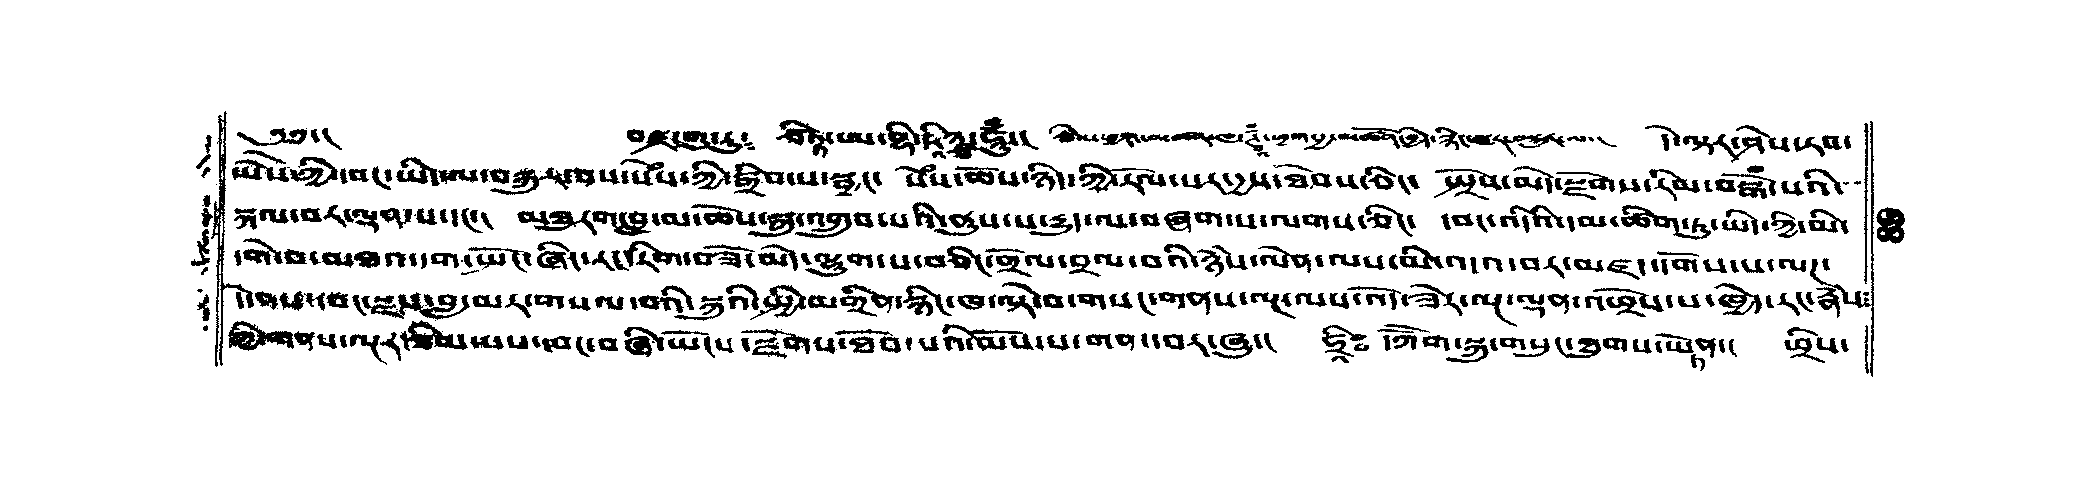བཛྲ་གུ་རུ་༴ ཙིཏྟ་ཨ་བྷི་རཱིཉྩ་ཧཱུྃ། ཅེས་ཕྱག་མཚན་ཁ་ཊྭཱྃ་ཕྱག་རྒྱ་མཚོན་བྱེད་སྙིང་ཁར་བསྐུར་ལ། དེ་ལྟར་ཤེས་རབ་
ཡེ་ཤེས་ཀྱི་དབང་ཡིད་ལ་བསྐུར་བས་སེམས་ཀྱི་སྒྲིབ་པ་སྦྱང་། སེམས་ཆོས་ཉིད་ཀྱི་རོལ་པར་རྒྱས་ཐེབས་ཤིང་། སྤྲོས་མེད་རྫོགས་རིམ་བསྒོམ་པའི་
སྐལ་བར་ལྡན་པ་དང་། མཐར་ཐུག་བླ་མ་ཆོས་སྐུ་འགྲུབ་པའི་ནུས་པ་རྒྱུད་ལ་བཞག་པ་ལགས་ཤིང་། དབང་འདིའི་དམ་ཚིག་ཏུ་ཡིད་ཀྱི་མི་
དགེ་བ་མཐའ་དག་སྤོང་ཞིང་རང་རིག་བཟོ་མེད་ལྷུག་པ་བཅིང་གྲོལ་བྲལ་བའི་ཉམས་ལེན་ལས་མི་འདའ་བར་མཛད་དགོས་པ་ལགས། 
དེ་ནས་དབང་རྫས་བླ་མར་གསལ་བའི་སྐུའི་སྤྱི་མགྲིན་སྙིང་ཁ་ལྟེ་བ་གསང་གནས་ལྔ་ལས་འོད་ཟེར་ལྔ་འཕྲོས་པ་ཁྱེད་རང་རྣམས་
ཀྱི་གནས་ལྔར་ཐིམ་པས་དབང་བཞི་ཡོངས་རྫོགས་ཐོབ་་པའི་མོས་པ་གནང་བར་ཞུ། ཧྲཱིཿ དཀོན་མཆོག་སྐུ་གསུང་ཐུགས་ཡོན་ཏན། །ཕྲིན་ལས་